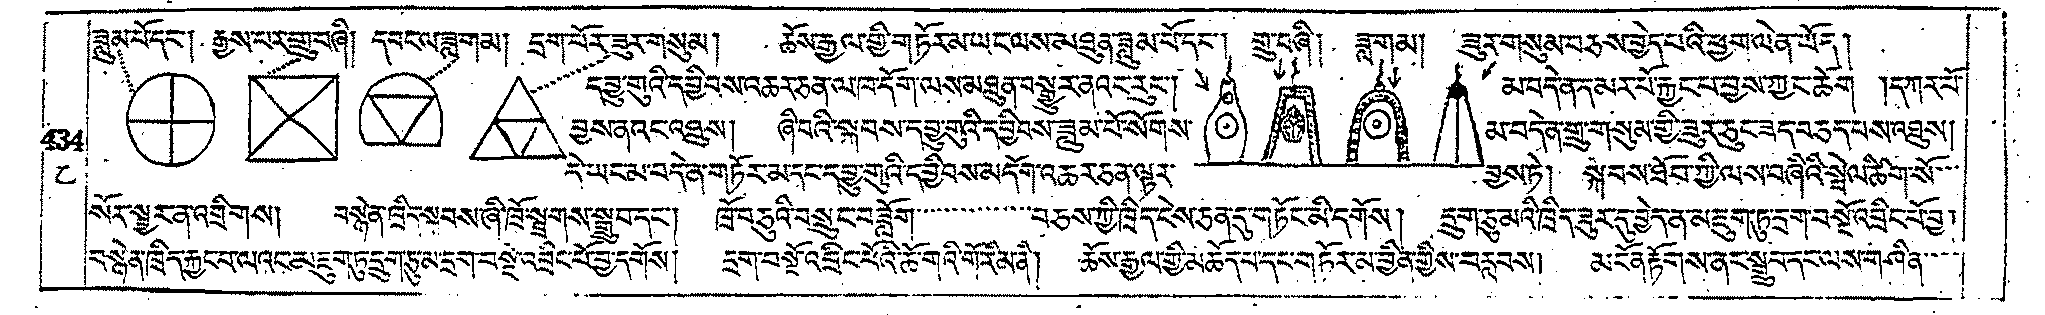ཟླུམ་པོ་དང་། རྒྱས་པར་གྲུབ་བཞི། དབང་ལ་ཟླ་གམ། དྲག་པོར་ཟུར་གསུམ། ཆོས་རྒྱལ་གྱི་གཏོར་མ་ཡང་ལས་མཐུན་ཟླུམ་པོ་དང་། གྲུ་བཞི། ཟླ་གམ། ཟུར་གསུམ་བཅས་བྱེད་པའི་ཕྱག་ལེན་ཡོད།
དབྱུ་གུའི་དབྱིབས་འཆར་ཅན་ལ་ཁ་དོག་ལས་མཐུན་བསྒྱུར་ནའང་རུང་། མ་བདེ་ན་དམར་པོ་རྐྱང་པ་བྱས་ཀྱང་ཆོག །དཀར་པོ་
བྱས་ནའང་འཐུས། ཞི་བའི་སྐབས་དབྱུ་གུའི་དབྱིབས་ཟླུམ་པོ་སོགས་མ་བདེ་ན་གྲུ་གསུམ་གྱི་ཟུར་ཅུང་བཅད་པས་འཐུས།
དེ་ཡང་མ་བདེ་ན་གཏོར་མ་དང་དབྱུ་གུའི་དབྱིབས་མདོག་འཆར་ཅན་ལྟར་བྱས་ཏེ། སྐབས་ཐོབ་ཀྱི་ལས་བཞིའི་སྤེལ་ཚིག་སོ་་་
སོར་སྦྱར་ན་འགྲིགས། བསྙེན་ཁྲིད་སྐབས་ཞི་ཁྲོ་སྦྲགས་སྒྲུབ་དང་། ཁོ་བཅུའི་བསྲུང་བཟློག་་་བཅས་ཀྱི་ཁྲིད་ངེས་ཅན་དུ་གཏོང་མི་དགོས། དྲུག་ཅུ་མའི་ཁྲིད་ཟུར་དུ་བྱེད་ན་མཇུག་ཏུ་དྲག་བསྔོ་འབྲིང་པོ་བྱ།
བསྙེན་ཁྲིད་རྐྱང་པ་ལའང་མཇུག་ཏུ་དྲག་ཅུ་མ་དྲག་བསྔོ་འབྲིང་པོ་བྱ་དགོས། དྲག་བསྔོ་འབྲིང་པོའི་ཆོ་གའི་གོ་རིམ་ནི། ཆོས་རྒྱལ་གྱི་མཆོད་པ་དང་གཏོར་མ་བྱིན་གྱིས་བརླབས། མངོན་རྟོགས་ནང་སྒྲུབ་དང་ལས་གཤིན་་་